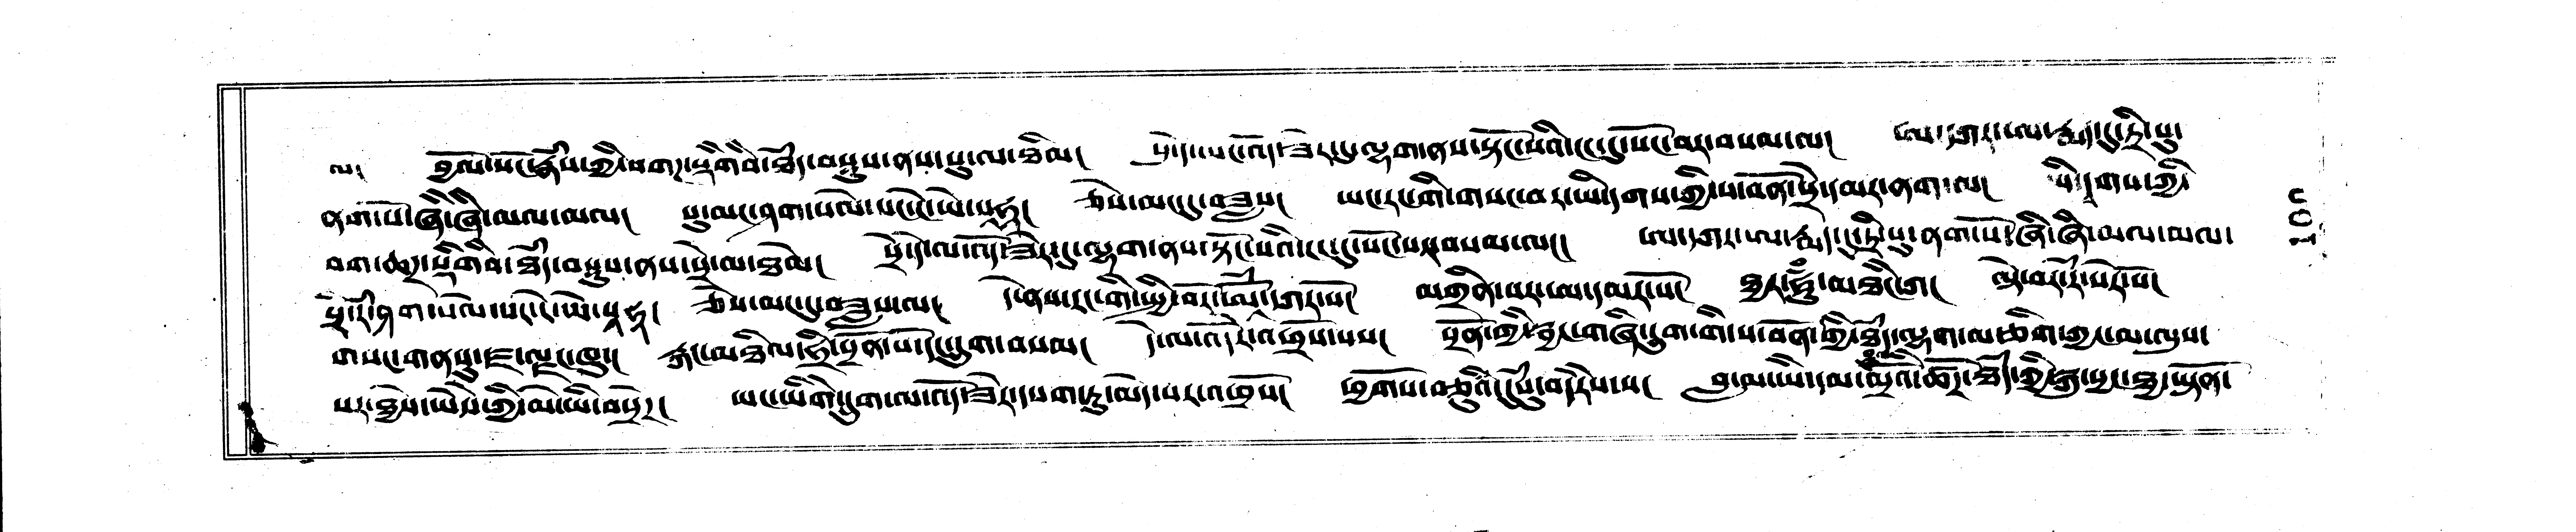ལ། བྱོལ་སོང་རྣམས་ཀྱི་བག་ཆགས་སྡིག་སྒྲིབ་ཐམས་ཅད་བསྡུས་ནས་སུ་ལ་ཐིམ། སུ་དེ་ཡང་འོད་ཟེར་དུ་ལྷག་ནས་སྟོང་པའི་ངང་དུ་སོང་བར་བསམ་ལ། ཨ་དཀར་ཨ་རྨད་དུ་ཏྲི་སུ་
ནག་པོ་ཞི་ཞི་མལ་མལ་སྭཱཧཱ། སུ་མང་ཤག་སལེ་སང་ངེ་ཡེ་སྭཱཧཱ། ཅེས་མང་དུ་བཟླས། །ཡང་རང་གི་གསང་བར་ཡི་དྭགས་ཀྱི་ས་བོན་ཡི་གེ་པྲི་དམར་ནག་ལ། ཡི་དྭགས་རྣམས་ཀྱི་
བག་ཆགས་སྡིག་སྒྲིབ་ཐམས་ཅད་བསྡུས་ནས་པྲི་ལ་ཐིམ། པྲི་དེ་ཡང་འོད་ཟེར་དུ་ལྷག་ནས་སྟོང་པའི་ངང་དུ་སོང་བར་བསམ་ལ། ཨ་དཀར་ཨ་རྨད་དུ་ཏྲི་སུ་ནག་པོ་ཞི་ཞི་མལ་མལ། 
པྲི་རཾ་ཤག་སལེ་སང་ངེ་ཡེ་སྭཱཧཱ། ཅེས་མང་དུ་བཟླས་ལ། དེ་ནས་རང་གི་སྤྱི་བོར་ཨ་དཀར་པོ། མགྲིན་པར་ཨཱོྂ་དམར་པོ། ཐུགས་ཁར་ཧཱུཾ་མཐིང་ནག ལྟེ་བར་རཾ་སེར་པོ།
 གསང་གནས་སུ་ཛ་ལྗང་ཁུ། རྐང་མཐིལ་ཧྲི་སྔོན་པོ་དང་དྲུག་བསམ། དེ་ལས་འོད་ཟེར་འཕྲོས་པས་སྔོན་གྱི་སྦྱང་གཞི་དྲུག་གི་ས་བོན་གྱི་༼འབྲུ༽ཐམས་ཅད་ལྷག་མ་གཅིག་ཀྱང་མ་ལུས་
པར་ཐུགས་རྗེ་ཡེ་ཤེས་ཀྱི་མེ་ཡིས་བསྲེགས། ཡང་ཡི་གེ་དྲུག་ལས་འོད་ཟེར་དཔག་ཏུ་མེད་པ་འཕྲོས། ཕྱོགས་བཅུའི་དུས་གསུམ་བདེ་བར་གཤེགས་པ། བླ་མ་ཡི་དམ་མཁའ་འགྲོའི་ཚོགས་ཐམས་ཅད་ཀྱི་སྐུ་གསུང་ཐུགས་ཡོན་ཏན་